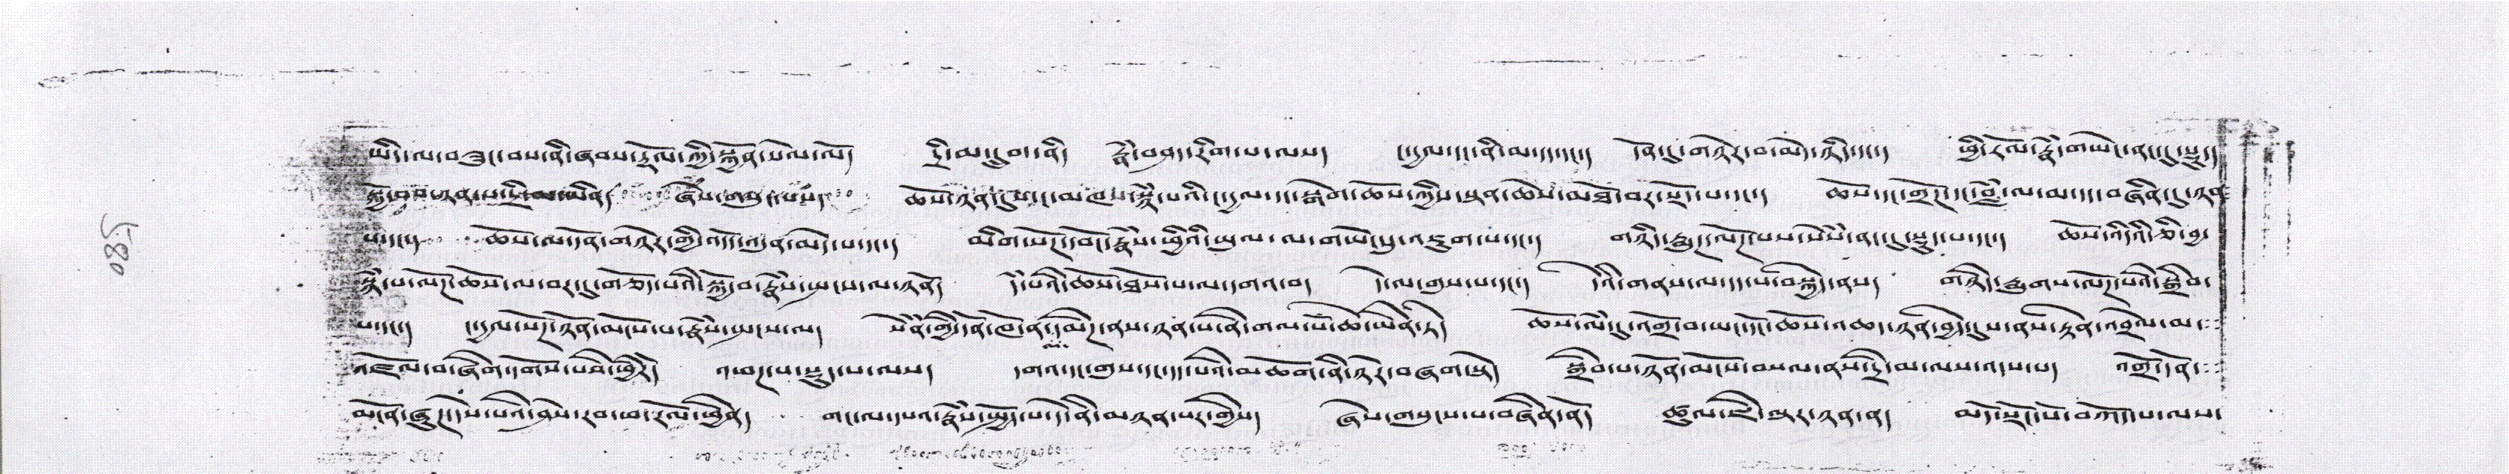ཡིད་ལ་བཟུང་བས་ནི་ཞབས་རྡོལ་གྱི་སྐྱོན་སེལ་ལོ། །དྲི་མ་དྲུག་ནི། རྣམ་བཤད་རིག་པ་ལས། ང་རྒྱལ་དང་ནི་མ་དད་དང་། །དོན་དུ་གཉེར་བ་མེད་ཉིད་དང་། །ཕྱི་རོལ་རྣམ་གཡེང་ནང་དུ་སྡུད། །
སྐྱོ་བས་ཉན་པ་དྲི་མ་ཡིན། །ཞེས་གསུངས་པས། ཆོས་ཉན་དུས་ང་མཁས་སྙམ་པའི་ང་རྒྱལ་དང་སྒེག་ཆོས་ཀྱིས་སྟན་ཆེས་མཐོ་བར་སྡོད་པ་དང་། ཆོས་དང་གྲོགས་དང་བླ་མ་ལ་མ་དད་བཞིན་དུ་ཉན་
པ་དང་། ཆོས་ལ་དོན་གཉེར་གྱི་འདོད་འདུན་མེད་པ་དང་། མིག་སོགས་དབང་པོ་རྣམས་ཕྱི་ཡི་ཡུལ་ལ་གཡེངས་སུ་འཇུག་པ་དང་། གཉིད་རྨུག་ལ་སོགས་པས་སེམས་ནང་དུ་སྡུད་པ་དང་། ཆོས་འདིའི་ཅི་བྱ་
སྙམ་པ་ལ་སོགས་ཆོས་ལ་བར་དུ་གཅོད་པའི་སྐྱོ་བ་རྣམས་སྤང་ལ་ཉན་ནོ། དམ་པའི་ཆོས་ཐོས་པ་ལ་དགའ་བ། དེ་ལ་གུས་པ་དང་། དེའི་གནས་ལ་དད་པ་བསྐྱེད་ནས་གཉིད་རྨུག་ལ་སོགས་པའི་སྒྲིབ་
པ་དང་། ང་རྒྱལ་དང་སོགས་ཉོན་མོངས་པ་རྣམས་སྤོང་ལ། སེམས་ཅན་གྱི་དོན་ཁོ་ན་ལ་དམིགས་ནས་ཉན་པ་ནི་གལ་པོ་ཆེ་ཡིན་ཏེ། ཆོས་ལམ་དུ་འགྲོ་བ་ཡང་དང་པོ་ཆོས་འཆད་ཉན་བྱེད་དུས་ནས་རྟེན་འབྲེལ་མ་
འཛོལ་བ་ཞིག་དགོས་པའི་ཕྱིར་ཏེ། འཕགས་པ་སྡུད་པ་ལས། དགའ་དང་གུས་དང་དད་པའི་མཆོག་ནི་ཉེར་བཞག་སྟེ། སྒྲིབ་པ་ཉོན་མོངས་བསལ་ནས་དྲི་མ་ལས་འདས་པ། འགྲོ་དོན་
མངོན་ཞུགས་དེས་པའི་ཤེས་རབ་ཕ་རོལ་ཕྱིན། གང་ལ་དཔའ་རྣམས་སྤྱོད་པ་དེ་ནི་མཉན་པར་གྱིས། །ཞེས་གསུངས་པ་བཞིན་ནོ། །ཚུལ་ཇི་ལྟར་ཉན་ན། མདོ་སྡོང་པོ་བཀོད་པ་ལས།